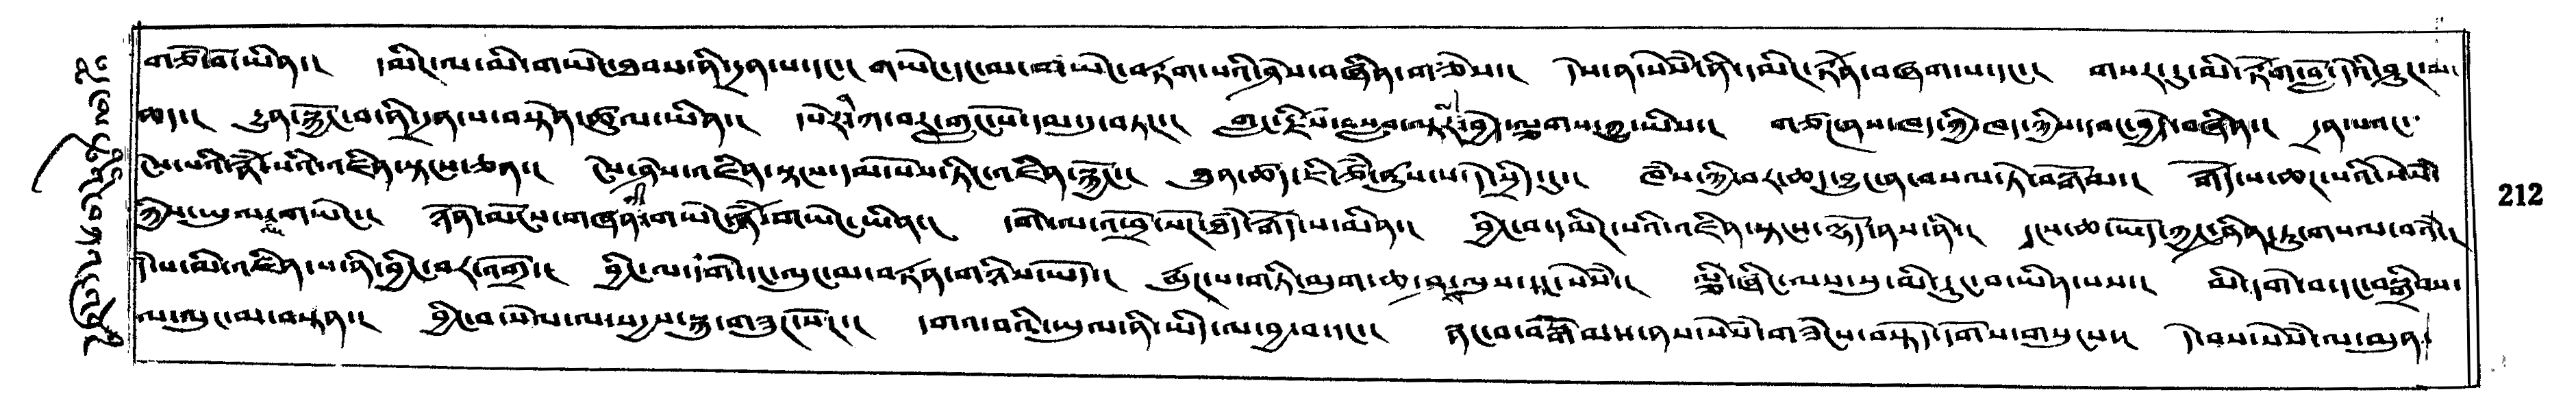གཙོ་བོ་ཡིན། །དམིགས་ལ་མི་གཡེང་ཐབས་ནི་དྲན་པ་དང་། །གཡེང་དང་མ་གཡེང་བརྟག་པའི་ཤེས་བཞིན་གཅེས། །དེས་ན་སེམས་ནི་དམིགས་རྟེན་བཞག་པ་དང་། །གསར་དུ་མི་རྟོག་བློ་དེའི་ཤུགས་མ་
ཆད། །རྒྱུན་སྐྱོང་བ་ནི་དྲན་པ་བརྟེན་ཚུལ་ཡིན། །དཔེར་ན་ཀ་བར་གླང་པོ་དམ་དུ་བཏགས། །གླང་རྫིས་བསླབ་ལྟར་མི་བྱེད་ལྕགས་ཀྱུ་ཡིས། །གཙགས་ནས་ཁད་ཀྱི་ཁད་ཀྱི་དབང་བྱེད་བཞིན། །དྲན་པའང་
ངེས་པའི་རྣམ་པའི་འཛིན་སྟངས་ཅན། །ངེས་ཤེས་འཛིན་སྟངས་དམ་པོས་ཏིང་འཛིན་སྐྱོང་། །ཐུན་ཚད་ཇི་ཙམ་ནུས་པ་དེ་སྲིད་དུ། ཁམས་ཀྱི་བར་ཆད་བྱུང་ན་བསལ་ཏེ་བསྒོམ། །རྒོད་པ་ཆགས་པའི་སེམས་
ཀྱིས་ཡུལ་ལ་གཡེང་། །ཉོན་མོངས་གཞན་གྱིས་གཡེང་བ་རྣམ་གཡེང་ཡིན། །དགེ་ལ་འཕྲོ་སོགས་ཐམས་ཅད་རྒོད་པ་མིན། །བྱིང་བ་དམིགས་པའི་འཛིན་སྟངས་ལྷོད་ནས་ནི། །དྭངས་ཆ་ཡོད་ཀྱང་ཤིན་ཏུ་གསལ་བའམ། །
དམ་པ་མི་འཛིན་པ་ནི་བྱིང་བར་འགྲོ། །བྱིང་ལ་དགེ་དང་ལུང་མ་བསྟན་གཉིས་ཡོད། །རྨུགས་པ་གཏི་མུག་ཆ་ཤས་ལུས་དང་སེམས། །ལྕི་ཞིང་ལས་སུ་མི་རུང་བ་ཡིན་པས། །མི་དགེ་བ་དང་བསྒྲིབས་
ལ་ལུང་མ་བསྟན། །བྱིང་བ་སེལ་ལ་སངས་རྒྱས་སྐུ་གཟུགས་སོགས། །དགའ་བའི་ཡུལ་ནི་ཡིད་ལ་བྱ་བ་དང་། །སྣང་བ་བསྒོམས་ནས་སེམས་གཟེངས་བསྟོད་དགོས་གསུངས། །དེ་བས་སེམས་ལ་མུན་